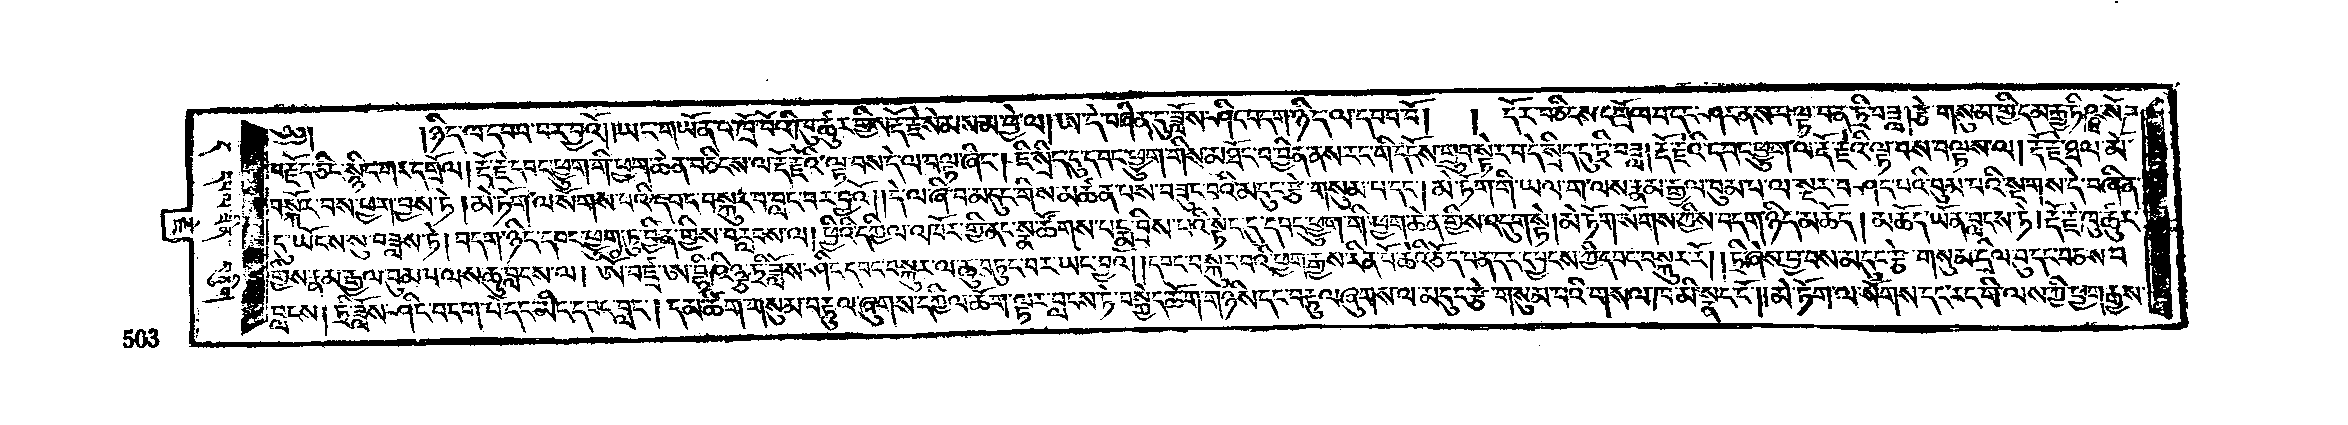༄༅། །ཉིད་ལ་དབབ་པར་བྱའོ། །ཡང་གཡོན་པ་ཁྲོ་བོའི་ཁུ་ཚུར་གྱིས་རྡོ་རྗེ་སེམས་མ་ཕྱེ་ལ། ཨ་དེ་བཞིན་དུ་ཟློས་ཤིང་བདག་ཉིད་ལ་དབབ་བོ། །དོར་བཅིངས་དགྲོལ་བ་དང་ཤར་ནས་བལྟ་བ་ན་ཏྲི་བཟླ། རྩེ་གསུམ་གྱི་དམ་རྒྱ་ཏི་ཥཊཿཨ་སོགས་
བརྗོད་ཅིང་སྙིང་གར་དགྲོལ། རྡོ་རྗེ་དབང་ཕྱུག་གི་ཕྱག་ཆེན་བཅིངས་ལ་རྡོ་རྗེའི་ལྟ་བས་དེ་ལ་བལྟ་ཞིང་། ཇི་སྲིད་དུ་དབང་ཕྱུག་གིས་མཐོང་བ་བྱིན་ནས་རང་གི་དངོས་གྲུབ་སྟེར་བ་དེ་སྲིད་དུ་ཏྲི་བཟླ། རྡོ་རྗེའི་དབང་ཕྱུག་ལ་རྡོ་རྗེའི་ལྟ་བས་བལྟས་ལ། རྡོ་རྗེ་ཐལ་མོ་
བསྐོར་བས་ཕྱག་བྱས་ཏེ། མེ་ཏོག་ལ་སོགས་པའི་དབང་བསྐུར་བ་བླང་བར་བྱའོ། །དེ་ལ་ཞི་བ་མདུང་གིས་མཚན་པས་བཟུང་བའི་མདུང་རྩེ་གསུམ་པ་དང་། མེ་ཏོག་གི་ཡལ་ག་ལས་རྣམ་རྒྱལ་བུམ་པ་ལ་སྔར་བཤད་པའི་བུམ་པའི་སྔགས་དེ་བཞིན་
དུ་ཡོངས་སུ་བཟླས་ཏེ། བདག་ཉིད་དབང་ཕྱུག་ཏུ་བྱིན་གྱིས་བརླབས་ལ། ཕྱིའི་དཀྱིལ་འཁོར་གྱི་ནང་སྣ་ཚོགས་པདམ་བྲིས་པའི་སྟེང་དུ་དབང་ཕྱུག་གི་ཕྱག་ཆེན་གྱིས་འདུག་སྟེ། མེ་ཏོག་སོགས་ཀྱིས་བདག་ཉིད་མཆོད། མཆོད་ཡོན་བླངས་ཏེ། རྡོ་རྗེ་ཁུ་ཚུར་
གྱིས་རྣམ་རྒྱལ་བུམ་པ་ལས་ཆུ་བླངས་ལ། ཨོཾ་བཛྲ་ཨ་བྷི་ཥིཉྩ་ཏྲི་ཟློས་ཤིང་དབང་བསྐུར་ལ་ཆུ་བཏུང་བར་ཡང་བྱའོ། །དབང་བསྐུར་བའི་ཕྱག་རྒྱས་རིན་པོ་ཆེའི་ཅོད་པན་དར་དབྱངས་ཀྱི་དབང་བསྐུར་རོ། །ཏྲི་ཞེས་བྱ་བས་མདུང་རྩེ་གསུམ་དྲིལ་བུ་དང་བཅས་པ་
བླངས། ཏྲི་ཟློས་ཤིང་བདག་པོ་དང་མིང་དབང་བླང་། དམ་ཚིག་གསུམ་བརྟུལ་ཞུགས་དཀྱིལ་ཆོག་ལྟར་བླངས་ཏེ་བསྐྱེད་ཆོག་གཉིས་དང་བརྟུལ་ཞུགས་ལ་མདུང་རྩེ་གསུམ་པའི་གསལ་ཁ་མི་སྣང་ངོ། །མེ་ཏོག་ལ་སོགས་དང་རང་གི་ལས་ཀྱི་ཕྱག་རྒྱས་